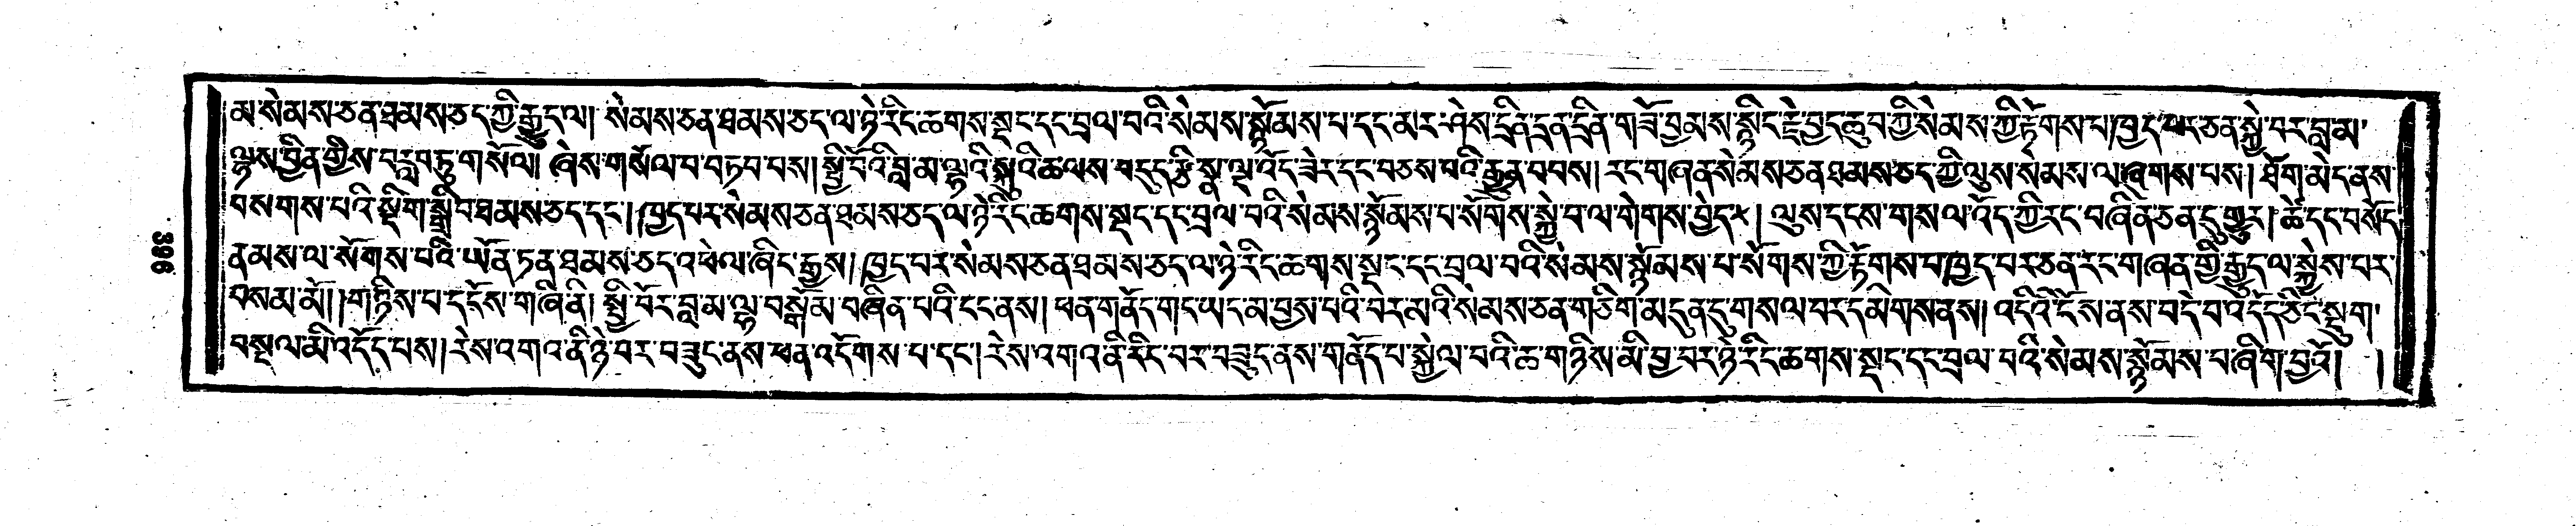མ་སེམས་ཅན་ཐམས་ཅད་ཀྱི་རྒྱུད་ལ། སེམས་ཅན་ཐམས་ཅད་ལ་ཉེ་རིང་ཆགས་སྡང་དང་བྲལ་བའི་སེམས་སྙོམས་པ་དང་མར་ཤེས་དྲིན་དྲན་དྲིན་གཟོ་བྱམས་སྙིང་རྗེ་བྱང་ཆུབ་ཀྱི་སེམས་ཀྱི་རྟོགས་པ་ཁྱད་པར་ཅན་སྐྱེ་བར་བླ་མ་
ལྷས་བྱིན་གྱིས་བརླབ་ཏུ་གསོལ། ཞེས་གསོལ་བ་བཏབ་པས། སྤྱི་བོའི་བླ་མ་ལྷའི་སྐུའི་ཆ་ལས་བདུད་རྩི་སྣ་ལྔ་འོད་ཟེར་དང་བཅས་པའི་རྒྱུན་བབས། རང་གཞན་སེམས་ཅན་ཐམས་ཅད་ཀྱི་ལུས་སེམས་ལ་ཞུགས་པས། ཐོག་མེད་ནས་
བསགས་པའི་སྡིག་སྒྲིབ་ཐམས་ཅད་དང་། ཁྱད་པར་སེམས་ཅན་ཐམས་ཅད་ལ་ཉེ་རིང་ཆགས་སྡང་དང་བྲལ་བའི་སེམས་སྙོམས་པ་སོགས་སྐྱེ་བ་ལ་གེགས་བྱེད་྾། ལུས་དངས་གསལ་འོད་ཀྱི་རང་བཞིན་ཅན་དུ་གྱུར། ཚེ་དང་བསོད་
ནམས་ལ་སོགས་པའི་ཡོན་ཏན་ཐམས་ཅད་འཕེལ་ཞིང་རྒྱས། ཁྱད་པར་སེམས་ཅན་ཐམས་ཅད་ལ་ཉེ་རིང་ཆགས་སྡང་དང་བྲལ་བའི་སེམས་སྙོམས་པ་སོགས་ཀྱི་རྟོགས་པ་ཁྱད་པར་ཅན་རང་གཞན་གྱི་རྒྱུད་ལ་སྐྱེས་པར་
བསམ་མོ། །གཉིས་པ་དངོས་གཞི་ནི། སྤྱི་བོར་བླ་མ་ལྷ་བསྒོམ་བཞིན་པའི་ངང་ནས། ཕན་གནོད་གང་ཡང་མ་བྱས་པའི་བར་མའི་སེམས་ཅན་གཅིག་མདུན་དུ་གསལ་བར་དམིགས་ནས། འདིའི་ངོས་ནས་བདེ་བ་འདོད་ཅིང་སྡུག་
བསྔལ་མི་འདོད་པས། རེས་འགའ་ནི་ཉེ་བར་བཟུང་ནས་ཕན་འདོགས་པ་དང་། རེས་འགའ་ནི་རིང་བར་བཟུང་ནས་གནོད་པ་སྐྱེལ་བའི་ཆ་གཉིས་མི་བྱ་བར་ཉེ་རིང་ཆགས་སྡང་དང་བྲལ་བའི་སེམས་སྙོམས་པ་ཞིག་བྱའོ། །